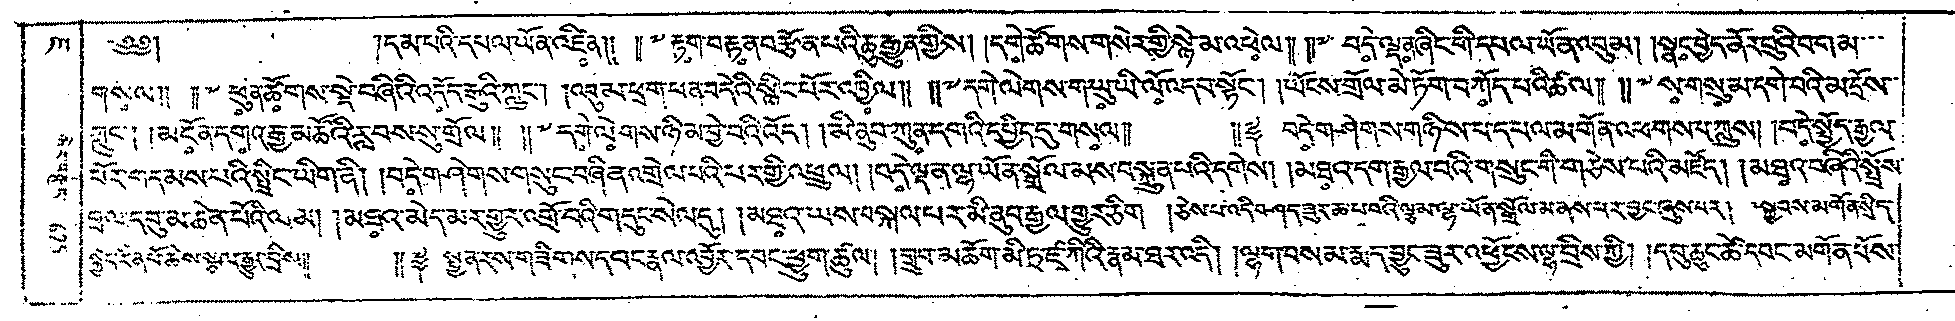༄༅། །དམ་པའི་དཔལ་ཡོན་འཛིན྾།། །།༧རྟག྾་བརྟན྾་བརྩོན་པའི་ཆུ་རྒྱུན་གྱིས། །དགེ྾་ཚོགས་གསེར་གྱི་སྙེ་མ་འཕེལ྾།། །། ༧བདེ྾་ལྡན྾་ཞིང་གི་དཔལ་ཡོན་འབུམ། །སྣང྾་བྱེད་ནོར་བུའི་བ་གམ་
གསལ྾།། །།༧ཕུན྾་ཚོགས྾་སྡེ་བཞིའི་འདོད྾་རྒུའི་ཀླུང་། །འབུམ་ཕྲག་ཕན་བདེའི་སྙིང་པོར་འཁྱིལ྾།། །།༧དགེ་ལེགས་གཡུ྾་ཡི་ལོ྾་འདབ་སྟོང་། །ཡོངས་གྲོལ་མེ་ཏོག་བཀོད྾་པའི་ཚལ།། །།༧ས྾་གསུམ྾་དགེ་བའི་མ་དྲོས་
ཀླུང་། །མངོན྾་དགའ྾་རྒྱ་མཚོའི་རླབས་སུ་གྲོལ།། །།༧དགེ྾་ལེགས྾་ཉི་མ་བྱེ་བའི་འོད། །མི་ནུབ་ཀུན྾་དགའི་དཔྱིད་དུ་གསལ྾།། །། ༈ བདེ྾་གཤེགས་གཉིས་པ་དཔལ་མགོན་འཕགས་པ་ཀླུས། །བདེ྾་སྤྱོད་རྒྱལ་
པོར་གདམས་པའི་སྤྲིང་ཡིག་ནི། །བདེ྾་གཤེགས་གསུང་བཞིན་འགྲེལ་བའི་པར་གྱི་འཕྲུལ། །བདེ྾་ལྡན་ལྷ་ཡོན་སྒྲོལ་མས་བསྐྲུན་པའི་དགེས། །མཐའ྾་དག་རྒྱལ་བའི་གསུང་གི་གཅེས་པའི་མཛོད། །མཐའ྾་བཞིའི་སྤྲོས་
བྲལ་དབུ་མ་ཆེན་པོའི་ལམ། །མཐའ྾་མེད་མར་གྱུར་འགྲོ་བའི་གདུང་སེལ་དུ། །མཐའ྾་ཡས་བསྐལ་པར་མི་ནུབ་རྒྱལ་གྱུར་ཅིག །ཅེས་པ་འདི་བཤད་ཟུར་ཆ་པ་བའི་ལྕམ་ལྷ་ཡོན་སྒྲོལ་མ་ནས་པར་བྱང་ཞུས་པར། ༧སྐྱབས་མགོན་སྲིད་
སྐྱོང་རིན་པོ་ཆེས་སྩལ་རྒྱུར་བྲིས།། །། ༈ སྤྱན་རས་གཟིགས་དབང་རྣལ་འབྱོར་དབང་ཕྱུག་ཚུལ། །གྲུབ་མཆོག་མི་ཏྲ་ཛྭ་ཀིའི་རྣམ་ཐར་འདི། །ལྷག་བསམ་རྨད་བྱུང་ཟུར་འཕྱོངས་ལྷ་བྲིས་ཀྱི། །དབུ་ཆུང་ཚེ་དབང་མགོན་པོས་